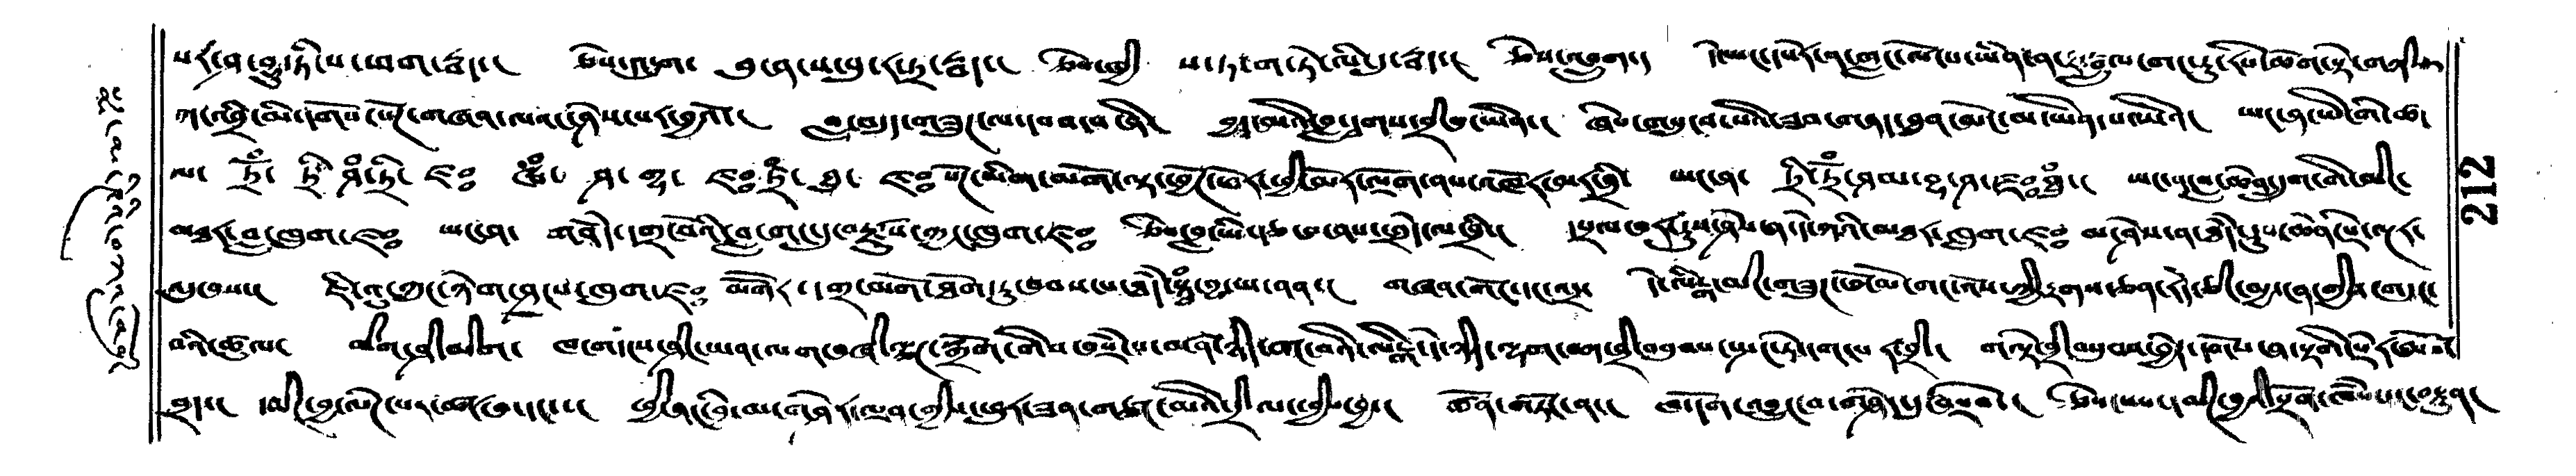པར་ཤ་བྷུ་ཏི་ས་ཕག་རྦདཿ ཅེས་ལུག་དང་། བུ་ན་ས་པུ་ར་ཏྲ་རྦདཿཅེས་ཁྱི། ས་ཏ་ག་ཏེ་ལི་དུ་རྦདཿ ཅེས་འབྲུག དེ་ཡང་དཔེར་ན་གླང་ལོ་པ་ཡིན་ན་རྟ་སྦྲུལ་གང་རུང་རཻས་ཆོག་སྟེ་གཉིས་
ཀ་འབྲི་མི་དགོས་པ་སོགས་གཞན་ལའང་ཤེས་པར་བྱའོ། བླ་བདུད་གཟུགས་ལ་དབབ་པ་ནི། །བྱད་མའི་བླ་དྭགས་བྲི་བ་ཡིན། ཞེས་གསུངས་པའི་ཟབ་གནད་ཐུན་མོང་མ་ཡིན་པ་པའམ། ཡང་ན་ཡི་གེ་ཚ་
ལ། ཏྲོཾཿ ཏྲིཿ ཤཾཿ ཛཿ ཝཾཿ ཤཿ གྷ་ཿ ཛཿ ཏྲཾཿ ཐུཿ ཛཿ སོགས་མིག་མགོ་ལྟ་ཕྱོགས་ཕོལ་ཕྱི། མོ་ལྡོག་ནས་འཁོར་མར་བྲི། ཡང་ན། ཏྲིཿ ཏྲོཾཿ ཤམཿ བྷཿ ཤ་ཿཛཿ ཐུཾཿ ཡང་ན་བླ་ཆེན་དྲུག་གི་མིང་
མཐར་བླ་ཁུག་ཛཿ ཡང་ན། གནོད་བྱེད་དགྲ་བོའི་བླ་གང་དུ་བརྫུས་ཀྱང་ཁུག་ཛཿ ཅེས་བརླ་ཡི་རྩ་བ་ནས་ཕྲེད་ལ་བྲི། དཔྲལ་བར་རུས་ཤེས་ན་དེ་ཀའི་མཐར་ཁུག་ཛཿ མ་ཤེས་ན་ཐམས་ཅད་རུས་ཆེན་སྡེ་ལྔར་
འདུ་བས། ཇི་འུ་ཀུང་ཀེག་ཤངས་ཁུག་ཛཿ མགོ་བོར་དགྲ་མགོ་ཐོག་ཏུ་བབས་པ་ཐམས་ཅད་སྟྭཾ་བྷ་ཡ་ནནཿ གཞན་གོང་དང་འདྲ། ལིངྒ་མིང་གཟུགས་ཕོ་མོ་གང་འོས་ཀྱི་རྟགས་ཅན་རིད་ཅིང་མྱ་ངན་གྱིས་གདུང་
བའི་ཚུལ། མིག་ཤི་མིག ཁ་གདངས་ཤིང་ཡན་ལག་བཞི་ལྕགས་སྒྲོག་གིས་བསྡམ་པ། མཚན་ཉིད་ཚང་བའི་ལིངྒ་དེ་ཉིད་ལྷག་ཆད་བྲིས་བསུབས་སྤངས་ཏེ་དག་པར་བྲི། གལ་ལྟེ་བྲིས་བསུབས་བྱེད་དགོས་ན་སྟག་གི་སྡེར་མོས་
བྲད། དམིགས་བྱ་ལེགས་པར་ཚར་བ་དང་། ཕྱི་ནང་བྱེ་མ་གཤེར་ལྡན་གྱིས་ཕུར། ཟན་གཙང་མས་དྲིལ་ཕྱིས་བྱ། ཚོན་གཏོང་ན། ཁ་དོག་འབྱུང་བ་གཤེད་དུ་བསྡེབ། ཅེས་པས་དམིགས་བྱའི་སྲོག་ཁམས་དང་བསྟུན།